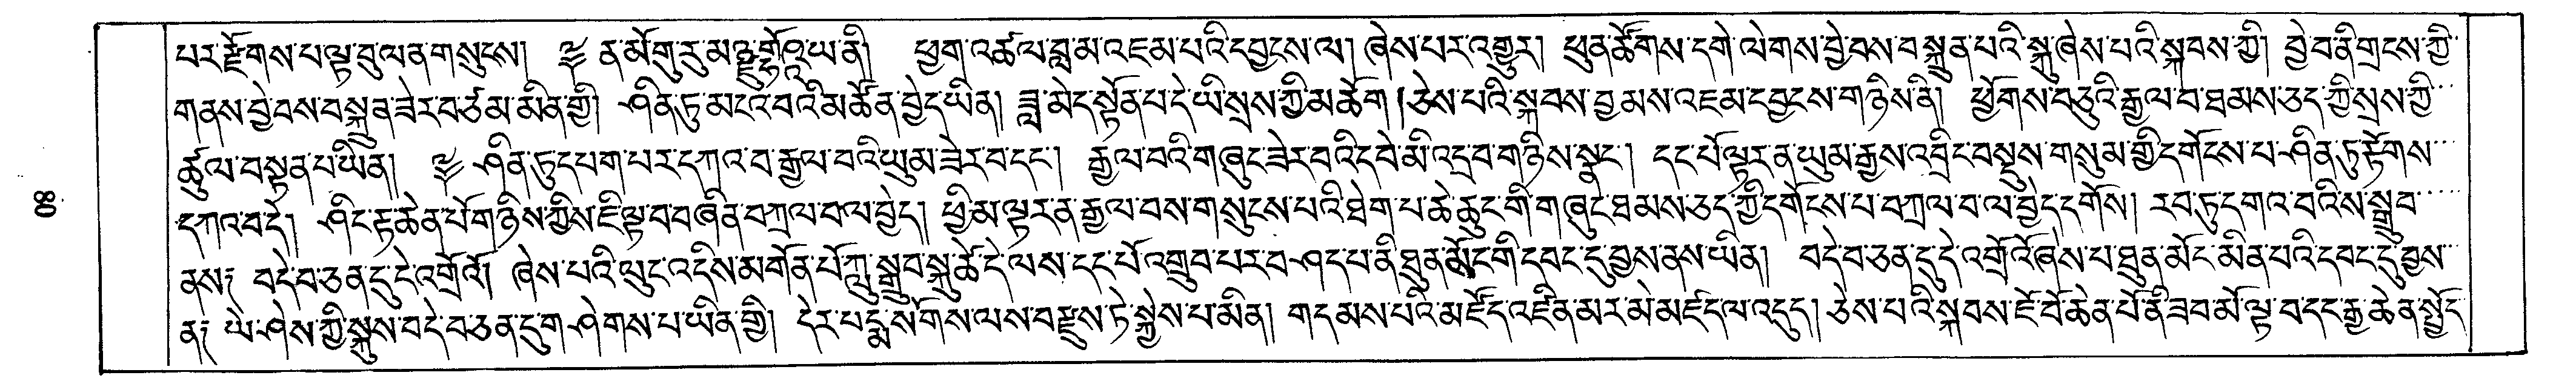པར་རྫོགས་པ་ལྟ་བུ་ཡིན་གསུངས། ༈ ན་མོ་གུ་རུ་མཉྫུ་གྷོ་ཥཱ་ཡ་ནི། ཕྱག་འཚལ་བླ་མ་འཇམ་པའི་དབྱངས་ལ། ཞེས་པར་འགྱུར། ཕུན་ཚོགས་དགེ་ལེགས་བྱེ་བས་བསྐྲུན་པའི་སྐུ་ཞེས་པའི་སྐབས་ཀྱི། བྱེ་བ་ནི་གྲངས་ཀྱི་
གནས་བྱེ་བས་བསྐྲུན་ཟེར་བཙམ་མིན་གྱི། ཤིན་ཏུ་མངའ་བའི་མཚོན་བྱེད་ཡིན། ཟླ་མེད་སྟོན་བ་དེ་ཡི་སྲས་ཀྱི་མཆོག །ཅེས་པའི་སྐབས་བྱམས་འཇམ་དབྱངས་གཉིས་ནི། ཕྱོགས་བཅུའི་རྒྱལ་པ་ཐམས་ཅད་ཀྱི་སྲས་ཀྱི་
ཚུལ་བསྟན་པ་ཡིན། ༈ ཤིན་ཏུ་དཔག་པར་དཀའ་བ་རྒྱལ་བའི་ཡུམ་ཟེར་བ་དང་། རྒྱལ་བའི་གཞུང་ཟེར་བའི་དབེ་མི་འདྲ་བ་གཉིས་སྣང་། དང་པོ་ལྟར་ན་ཡུམ་རྒྱས་འབྲིང་བསྡུས་གསུམ་གྱི་དགོངས་པ་ཤིན་ཏུ་རྟོགས་
དཀའ་བ་དེ། ཤིང་རྟ་ཆེན་པོ་གཉིས་ཀྱིས་ཇི་ལྟ་བ་བཞིན་བཀྲལ་བ་ལ་བྱེད། ཕྱི་མ་ལྟར་ན་རྒྱལ་བས་གསུངས་པའི་ཐེག་པ་ཆེ་ཆུང་གི་གཞུང་ཐམས་ཅད་ཀྱི་དགོངས་པ་བཀྲལ་བ་ལ་བྱེད་དགོས། རབ་ཏུ་དགའ་བའི་ས་སྒྲུབ་
ནས༑ ༑བདེ་བ་ཅན་དུ་དེ་འགྲོའོ། ཞེས་པའི་ལུང་འདིས་མགོན་པོ་ཀླུ་སྒྲུབ་སྐུ་ཚེ་དེ་ལ་ས་དང་པོ་འགྲུབ་པར་བཤད་པ་ནི་ཐུན་མོང་གི་དབང་དུ་བྱས་ནས་ཡིན། བདེ་བ་ཅན་དུ་དེ་འགྲོའོ་ཞེས་པ་ཐུན་མོང་མིན་པའི་དབང་དུ་བྱས་
ན༑ ཡེ་ཤེས་ཀྱི་སྐུས་བདེ་བ་ཅན་དུ་གཤེགས་པ་ཡིན་གྱི། དེར་པདམ་སོགས་ལས་བརྫུས་ཏེ་སྐྱེས་པ་མིན། གདམས་པའི་མཛོད་འཛིན་མར་མེ་མཛད་ལ་འདུད། ཅེས་པའི་སྐབས་ཇོ་བོ་ཆེན་པོ་ནི་ཟབ་མོ་ལྟ་བ་དང་རྒྱ་ཆེན་སྤྱོད་